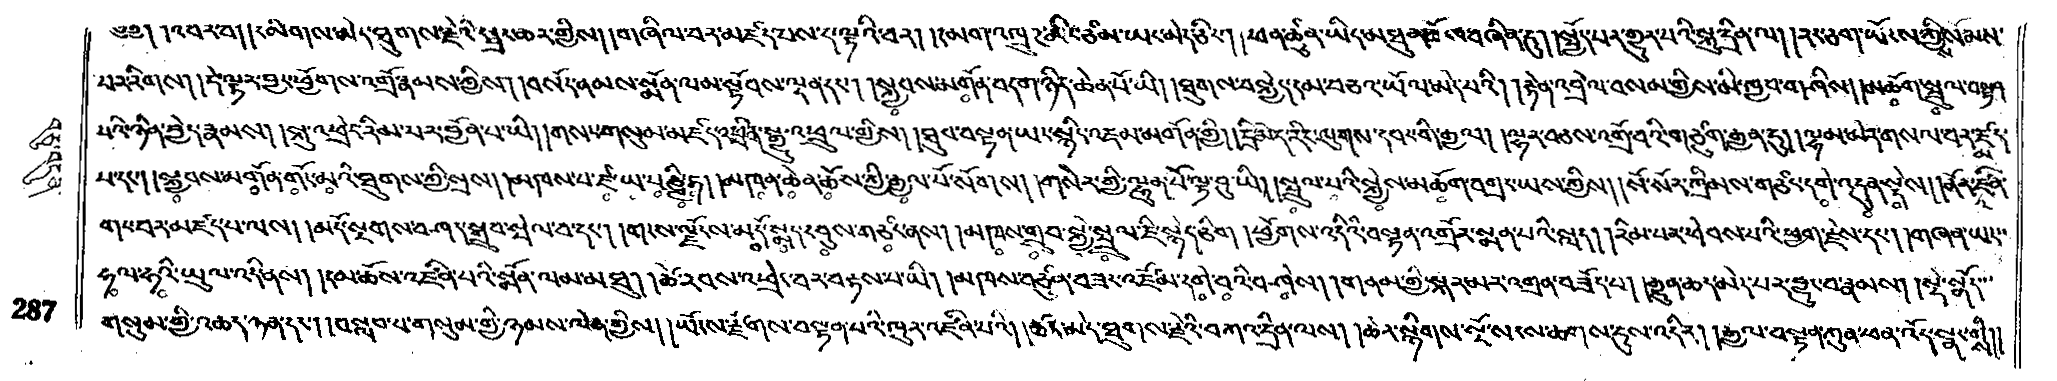༄༅། །འབར་བ། །དམིགས་མེད་ཐུགས་རྗེའི་སྦྲང་ཆར་གྱིས། །གཞིལ་བར་མཛད་པས་ད་ལྟའི་བར། །དམག་འཁྲུང་མིང་ཙམ་ཡང་མེད་ཅིང་། །ཕན་ཚུན་ཡིད་མཐུན་ཆོས་བཞིན་དུ། །སྤྱོད་པར་གྱུར་པའི་སྐུ་དྲིན་ལ། །རང་ཅག་ཡོངས་ཀྱིས་སོམས་
པར་རིགས། །དེ་ལྟར་བྱང་ཕྱོགས་འགྲོ་རྣམས་ཀྱིས། །བསོད་ནམས་སྨོན་ལམ་སྟོབས་ལྡན་དང་། །སྐྱབས་མགོན་བདག་ཉིད་ཆེན་པོ་ཡི། །ཐུགས་བསྐྱེད་དམ་བཅའ་ཡོལ་མེད་པའི། །རྟེན་འབྲེལ་བསམ་གྱིས་མི་ཁྱབ་གཤིས། །མཆོག་སྤྲུལ་བསྟན།
པའི་ཉིན་བྱེད་རྣམས། །སྐུ་འཕྲེང་རིམ་པར་བྱོན་པ་ཡི། །གསང་གསུམ་མཛད་འཕྲིན་སྒྱུ་འཕྲུལ་གྱིས། །ཐུབ་བསྟན་ཡང་སྙིང་འཇམ་མགོན་གྱི། །དྲི་མེད་རིང་ལུགས་དབང་གི་རྒྱལ། །ལྷར་བཅས་འགྲོ་བའི་གཙུག་རྒྱན་དུ། །ལྷམ་མེར་གསལ་བར་མཛད་
པ་དང་། །སྐྱབས་མགོན་གོང་མའི་ཐུགས་ཀྱི་སྲས། །མཁས་པ་ཛ་ཡ་པཎྚི་ཏ། །མཁན་ཆེན་ཆོས་ཀྱི་རྒྱལ་པོ་སོགས། །གསེར་གྱི་ལྷུན་པོ་ལྟ་བུ་ཡི། །སྤྲུལ་པའི་སྐྱེས་མཆོག་བགྲང་ཡས་ཀྱིས། །སོ་སོར་ཁྲིམས་གཙང་དགེ་འདུན་སྡེས། །ནོར་འཛིན་
གང་བར་མཛད་པ་ལས། །མདོ་སྔགས་བཤད་སྒྲུབ་སྤེལ་བ་དང་། །གངས་ལྗོངས་མདོ་སྨད་དབུས་གཙང་ནས། །མཁས་གྲུབ་སྐྱེ་སྤྲུལ་ཇི་སྙེད་ཅིག །ཕྱོགས་འདིའི་བསྟན་འགྲོར་སྨན་པའི་སླད། །རིམ་པར་ཕེབས་པའི་ཕྱག་རྗེས་དང་། །གཞན་ཡང་།
ཧལ་ཧའི་ཡུལ་འདི་ནས། །དམ་ཆོས་འཛིན་པའི་སྨོན་ལམ་མཐུ། །ཚེ་རབས་འཕྲེང་བར་བརྟས་པ་ཡི། །མཁས་བཙུན་བཟང་འཛོམ་དགེ་བའི་བཤེས། །གནམ་གྱི་སྐར་མར་འགྲན་བཟོད་པ། །རྒྱུན་ཆད་མེད་པར་བྱུང་བ་རྣམས། །སྡེ་སྣོད་
གསུམ་གྱི་འཆད་ཉན་དང་། །བསླབ་པ་གསུམ་གྱི་ཉམས་ལེན་གྱིས། །ཡོངས་རྫོགས་བསྟན་པའི་ཁུར་འཛིན་པའི། །ཚང་མེད་ཐུགས་རྗེའི་བཀའ་དྲིན་ལས། །ཆེར་སྙིགས་སྔོ་སངས་ཆགས་དུས་འདིར། །རྒྱལ་བསྟན་ཀུན་ཕན་འོད་སྣང་གིས།།